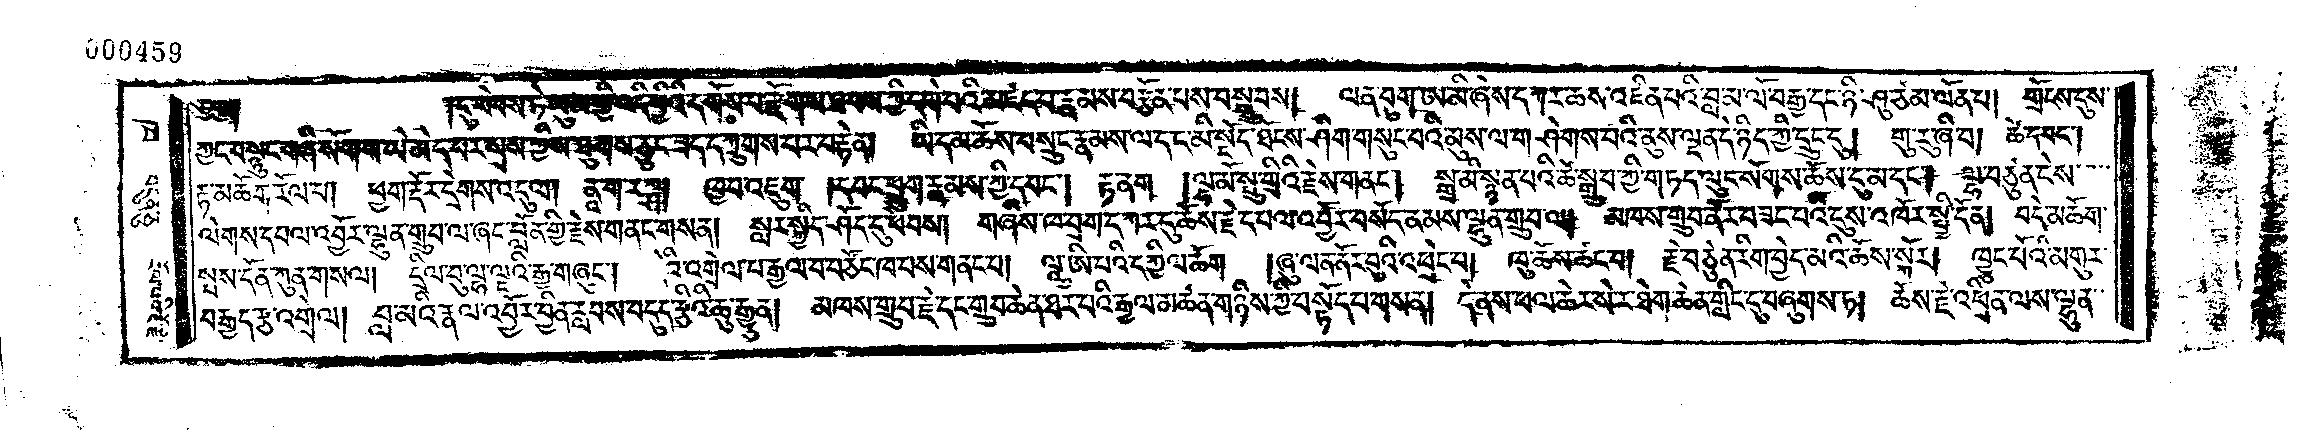༄༅། །དུ་ཕེབས་ཏེ་ཡུམ་གྱི་འདི་ཕྱིའི་དགོས་པ་རྫོགས་ཐབས་ཀྱི་དགེ་པའི་མཛད་པ་རྣམས་བརྩོན་པས་བསྒྲུབས། ལན་བུག་ཨ་མི་ཞེས་དཀར་ཆས་འཛིན་པའི་བླ་མ་ལོ་བརྒྱ་དང་ཉི་ཤུ་ཙམ་ལོན་པ། གྲོངས་དུས་
ཀྱང་བསྙུང་གཞི་སོགས་ཡེ་མེད་པར་སྲས་ཀྱིས་ཐུགས་ཅུང་ཟད་དཀྲུགས་པར་བརྟེན། ཡི་དམ་ཆོས་བསྲུང་རྣམས་ལ་དང་མི་སྔོད་ཐོངས་ཤིག་གསུང་བའི་མུས་ལ་གཤེགས་པའི་ནུས་ལྡན་དེ་ཉིད་ཀྱི་དྲུང་དུ། གུ་རུ་ཞི་བ། ཚེ་དབང་།
རྟ་མཆོག་རོལ་པ། ཕྱག་རྡོར་དྲེགས་འདུལ། ནཱ་ག་རཀྴ། ཁྱབ་འཇུག །དབང་ཕྱུག་རྣམས་ཀྱི་དབང་། རྟ་ནག །ལྷ་མོ་སྤུ་གྲིའི་རྗེས་གནང་། སྒྲ་མི་སྙན་པའི་ཚེ་སྒྲུབ་ཀྱི་གཏད་ལུང་སོགས་ཆོས་དུ་མ་དང་། ལྷ་བཙུན་ངེས་
ལེགས་དཔལ་འབྱོར་ལྷུན་གྲུབ་ལ་ཞང་བློན་གྱི་རྗེས་གནང་གསན། སླར་སྐྱིད་ཤོད་དུ་ཕེབས། གཞིས་ཁ་བྲག་དཀར་དུ་ཆོས་རྗེ་དཔལ་འབྱོར་བསོད་ནམས་ལྷུན་གྲུབ་ལ། མཁས་གྲུབ་ནོར་བཟང་པའི་དུས་འཁོར་སྤྱི་དོན། བདེ་མཆོག་
སྤས་དོན་ཀུན་གསལ། དྲིལ་བུ་ལྷ་ལྔའི་རྒྱ་གཞུང་། དེའི་འགྲེལ་པ་རྒྱལ་བ་བཙོང་ཁ་པས་གནང་པ། ལཱུ་ཨི་པའི་དཀྱིལ་ཆོག །ཞུ་ལན་ནོར་བུའི་འཕྲེང་པ། ཁུ་ཆོས་ཚང་བ། རྗེ་བཙུན་རིག་བྱེད་མའི་ཆོས་སྐོར། ཁྱུང་པོའི་མགུར་
བརྒྱད་རྩ་འགྲེལ། བླ་མའི་རྣལ་འབྱོར་བྱིན་རླབས་བདུད་རྩིའི་ཆུ་རྒྱུན། མཁས་གྲུབ་རྗེ་དང་གྲུབ་ཆེན་ཐར་པའི་རྒྱལ་མཚན་གཉིས་ཀྱི་བསྟོད་པ་གསན། དེ་ནས་ཕལ་ཆེར་སེར་ཐེག་ཆེན་གླིང་དུ་བཞུགས་ཏེ། ཆོས་རྗེ་འཕྲིན་ལས་ལྷུན་